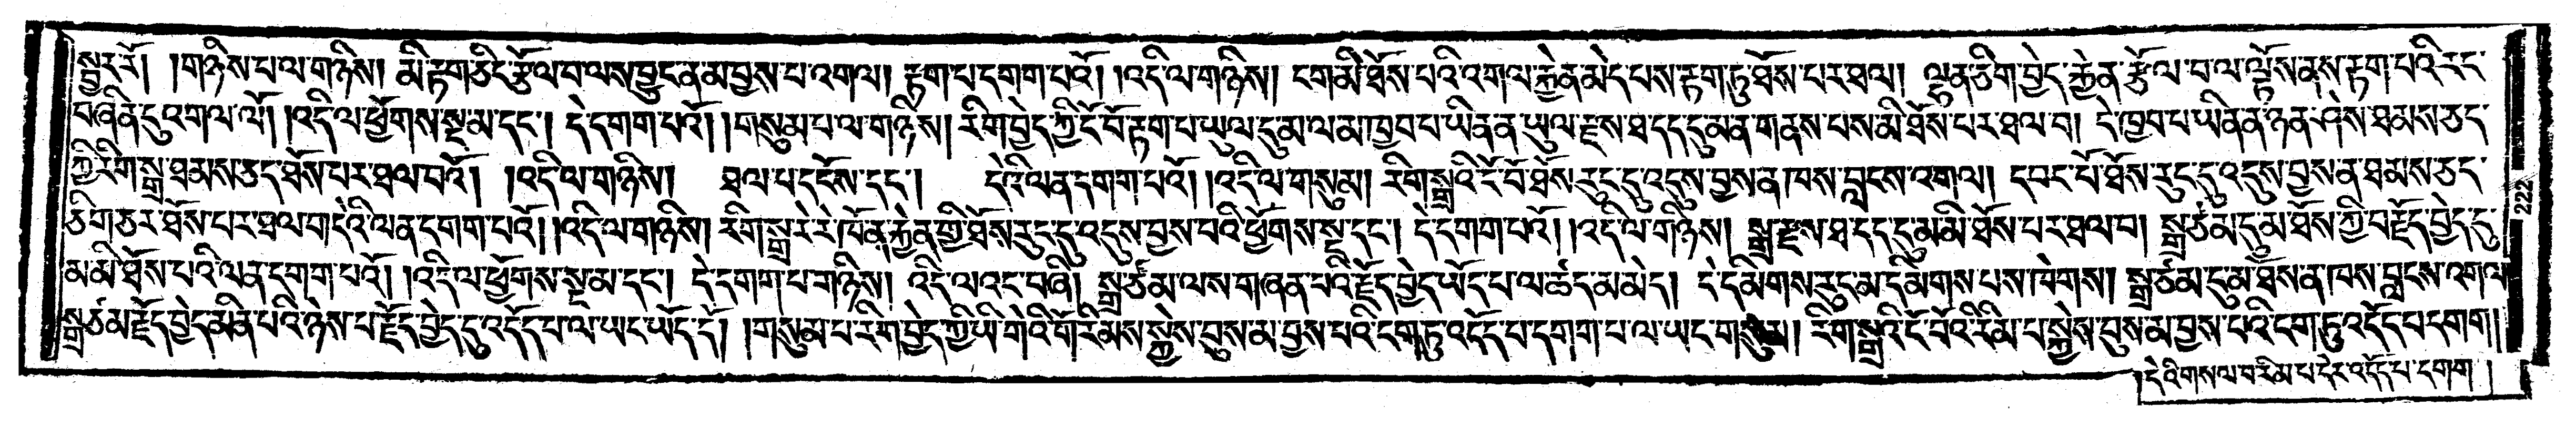སྦྱར་རོ། །གཉིས་པ་ལ་གཉིས། མི་རྟག་ཅིང་རྩོལ་བ་ལས་བྱུང་ན་མ་བྱས་པ་འགལ། རྟག་པ་དགག་པའོ། །འདི་ལ་གཉིས། ངག་མི་ཐོས་པའི་འགལ་རྐྱེན་མེད་པས་རྟག་ཏུ་ཐོས་པར་ཐལ། ལྷན་ཅིག་བྱེད་རྐྱེན་རྩོལ་བ་ལ་ལྟོས་ནས་རྟག་པའི་རང་
བཞིན་དུ་འགལ་ལོ། །འདི་ལ་ཕྱོགས་སྔ་མ་དང་། དེ་དགག་པའོ། །གསུམ་པ་ལ་གཉིས། རིག་བྱེད་ཀྱི་ངོ་བོ་རྟག་པ་ཡུལ་དུ་མ་ལ་མ་ཁྱབ་པ་ཡིན་ན་ཡུལ་རྫས་ཐ་དད་དུ་མ་ན་གནས་པས་མི་ཐོས་པར་ཐལ་བ། དེ་ཁྱབ་པ་ཡིན་ན་ཉན་ཤེས་ཐམས་ཅད་
ཀྱི་རིག་སྒྲ་ཐམས་ཅད་ཐོས་པར་ཐལ་བའོ། །འདི་ལ་གཉིས། ཐལ་པ་དངོས་དང་། དེའི་ལན་དགག་པའོ། །འདི་ལ་གསུམ། རིག་སྒྲའི་ངོ་བོ་ཐོས་རུང་དུ་འདུས་བྱས་ན་ཁས་བླངས་འགལ། དབང་པོ་ཐོས་རུང་དུ་འདུས་བྱས་ན་ཐམས་ཅད་
ཅིག་ཅར་ཐོས་པར་ཐལ་བ། དེའི་ལན་དགག་པའོ། །འདི་ལ་གཉིས། རིག་སྒྲ་རེ་རེ་ཁོ་ན་རྐྱེན་གྱི་ཐོས་རུང་དུ་འདུས་བྱས་པའི་ཕྱོགས་སྔ་དང་། དེ་དགག་པའོ། །འདི་ལ་གཉིས། སྒྲ་རྫས་ཐ་དད་དུ་མ་མི་ཐོས་པར་ཐལ་བ། སྒྲ་ཙམ་དུ་མ་ཐོས་ཀྱི་བརྗོད་བྱེད་དུ་
མ་མི་ཐོས་པའི་ལན་དགག་པའོ། །འདི་ལ་ཕྱོགས་སྔ་མ་དང་། དེ་དགག་པ་གཉིས། འདི་ལའང་བཞི། སྒྲ་ཙམ་ལས་གཞན་པའི་རྗོད་བྱེད་ཡོད་པ་ལ་ཚད་མ་མེད། དེ་དམིགས་རུང་མ་དམིགས་པས་ཁེགས། སྒྲ་ཙམ་དུ་མ་ཐོས་ན་ཁས་བླངས་འགལ་
སྒྲ་ཙམ་རྗོད་བྱེད་མིན་པའི་ཉེས་པ་རྗོད་བྱེད་དུ་འདོད་པ་ལ་ཡང་ཡོད་དོ། །གསུམ་པ་རིག་བྱེད་ཀྱི་ཡི་གེའི་གོ་རིམས་སྐྱེས་བུས་མ་བྱས་པའི་ངག་ཏུ་འདོད་པ་དགག་པ་ལ་ཡང་གསུམ། རིག་སྒྲའི་ངོ་བོའི་རིམ་པ་སྐྱེས་བུས་མ་བྱས་པའི་ངག་ཏུ་འདོད་པ་དགག། དེའི་གསལ་བ་རིམ་པ་དེར་འདོད་པ་དགག །